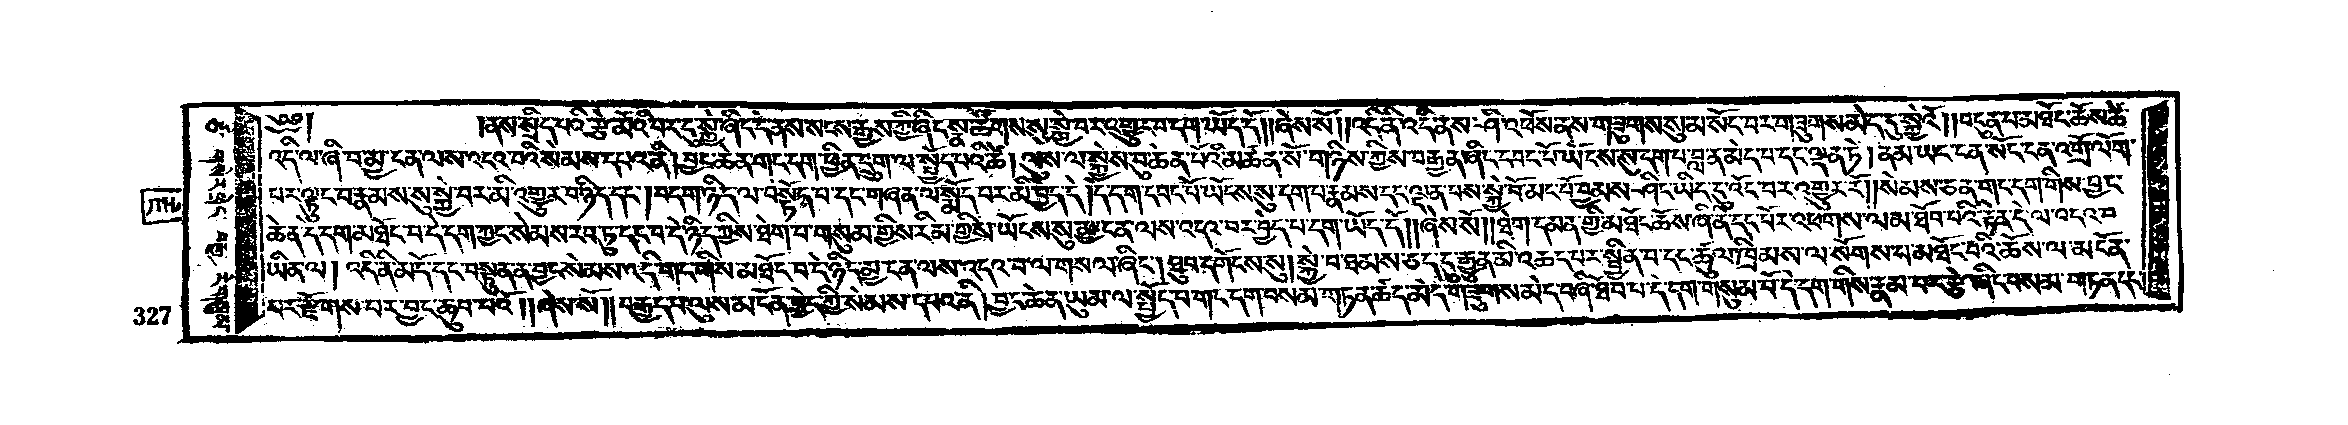༄༅། །ནས་སྲིད་པའི་རྩེ་མོའི་བར་དུ་སྐྱེ་ཞིང་དེ་ནས་སངས་རྒྱས་ཀྱི་ཞིང་སྣ་ཚོགས་སུ་སྐྱེ་བར་འགྱུར་བ་དག་ཡོད་དོ། །ཞེས་སོ། །འདི་ནི་འདི་ནས་ཤི་འཕོས་ནས་གཟུགས་སུ་མ་སོང་བར་གཟུགས་མེད་དུ་སྐྱེའོ། །བདུན་པ་མཐོང་ཆོས་ཚེ་
འདི་ལ་ཞི་བ་མྱ་ངན་ལས་འདའ་བའི་སེམས་དཔའ་ནི། བྱང་ཆེན་གང་དག་ཕྱིན་དྲུག་ལ་སྤྱོད་པའི་ཚེ། ལུས་ལ་སྐྱེས་བུ་ཆེན་པོའི་མཚན་སོ་གཉིས་ཀྱིས་བརྒྱན་ཞིང་དབང་པོ་ཡོངས་སུ་དག་པ་བླ་ན་མེད་པ་དང་ལྡན་ཏེ། ནམ་ཡང་ངན་སོང་ངན་འགྲོ་ལོག་
པར་ལྟུང་བ་རྣམས་སུ་སྐྱེ་བར་མི་འགྱུར་བ་ཉིད་དང་། བདག་ཉིད་ལ་བསྟོད་པ་དང་གཞན་ལ་སྨོད་པར་མི་བྱེད་དེ། དེ་དག་དབང་པོ་ཡོངས་སུ་དག་པ་རྣམས་དང་ལྡན་པས་སྐྱེ་བོ་མང་པོ་བྱམས་ཤིང་ཡིད་དུ་འོང་བར་འགྱུར་རོ། །སེམས་ཅན་གང་དག་གིས་བྱང་
ཆེན་དེ་དག་མཐོང་བ་དེ་དག་ཀྱང་སེམས་རབ་ཏུ་དང་བ་དེ་ཉིད་ཀྱིས་ཐེག་པ་གསུམ་གྱིས་རིམ་གྱིས་ཡོངས་སུ་མྱ་ངན་ལས་འདའ་བར་བྱེད་པ་དག་ཡོད་དོ། །ཞེས་སོ། །ཐེག་དམན་གྱི་མཐོང་ཆོས་ཞི་ནི་དང་པོར་འཕགས་ལམ་ཐོབ་པའི་རྟེན་དེ་ལ་འདའ་བ་
ཡིན་ལ། འདི་ནི་མདོ་དང་བསྟུན་ན་བྱང་སེམས་འདི་གང་གིས་མཐོང་བ་དེ་ཉིད་མྱ་ངན་ལས་འདའ་བ་ལ་གསལ་ཞིང་། ཐུབ་དགོངས་སུ། སྐྱེ་བ་ཐམས་ཅད་དུ་རྒྱུན་མི་འཆད་པར་སྦྱིན་པ་དང་ཚུལ་ཁྲིམས་ལ་སོགས་པ་མཐོང་བའི་ཆོས་ལ་མངོན་
པར་རྫོགས་པར་བྱང་ཆུབ་པའོ། །ཞེས་སོ། །བརྒྱད་པ་ལུས་མངོན་བྱེད་ཀྱི་སེམས་དཔའ་ནི། བྱང་ཆེན་ཡུམ་ལ་སྤྱོད་པ་གང་དག་བསམ་གཏན་ཚད་མེད་གཟུགས་མེད་བཞི་ཐོབ་པ་དེ་དག་གསུམ་པོ་དེ་དག་གིས་རྣམ་པར་རྩེ་ཞིང་བསམ་གཏན་དང་